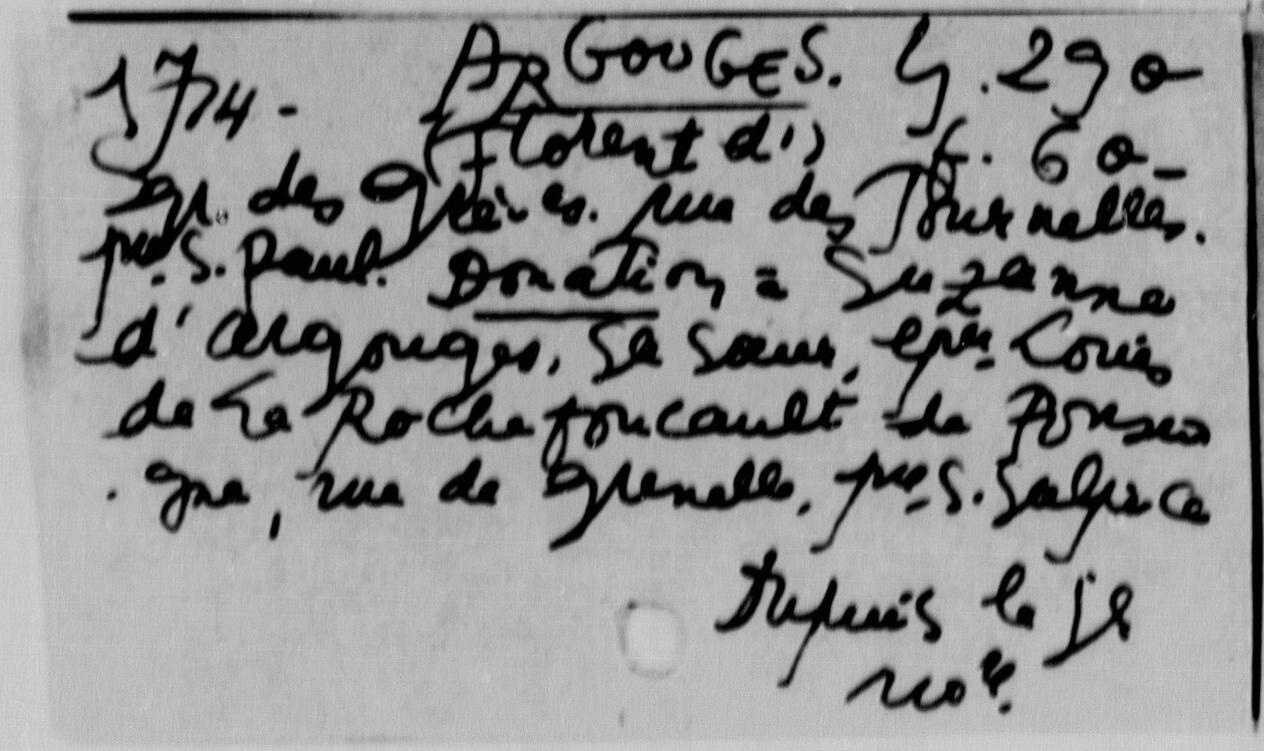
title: ARGOUGES (Florent d')
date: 1714
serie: Y
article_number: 290
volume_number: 60
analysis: Seigneur des Grèves, rue des Tournelles, paroisse Saint-Paul. Donation à Suzanne d'ARGOUGES, sa sœur, épouse Louis de LA ROCHEFOUCAULT DE FONSEQUE (?), rue de Grenelle, paroisse Saint-Sulpice. Dupuis le jeune, notaire.
